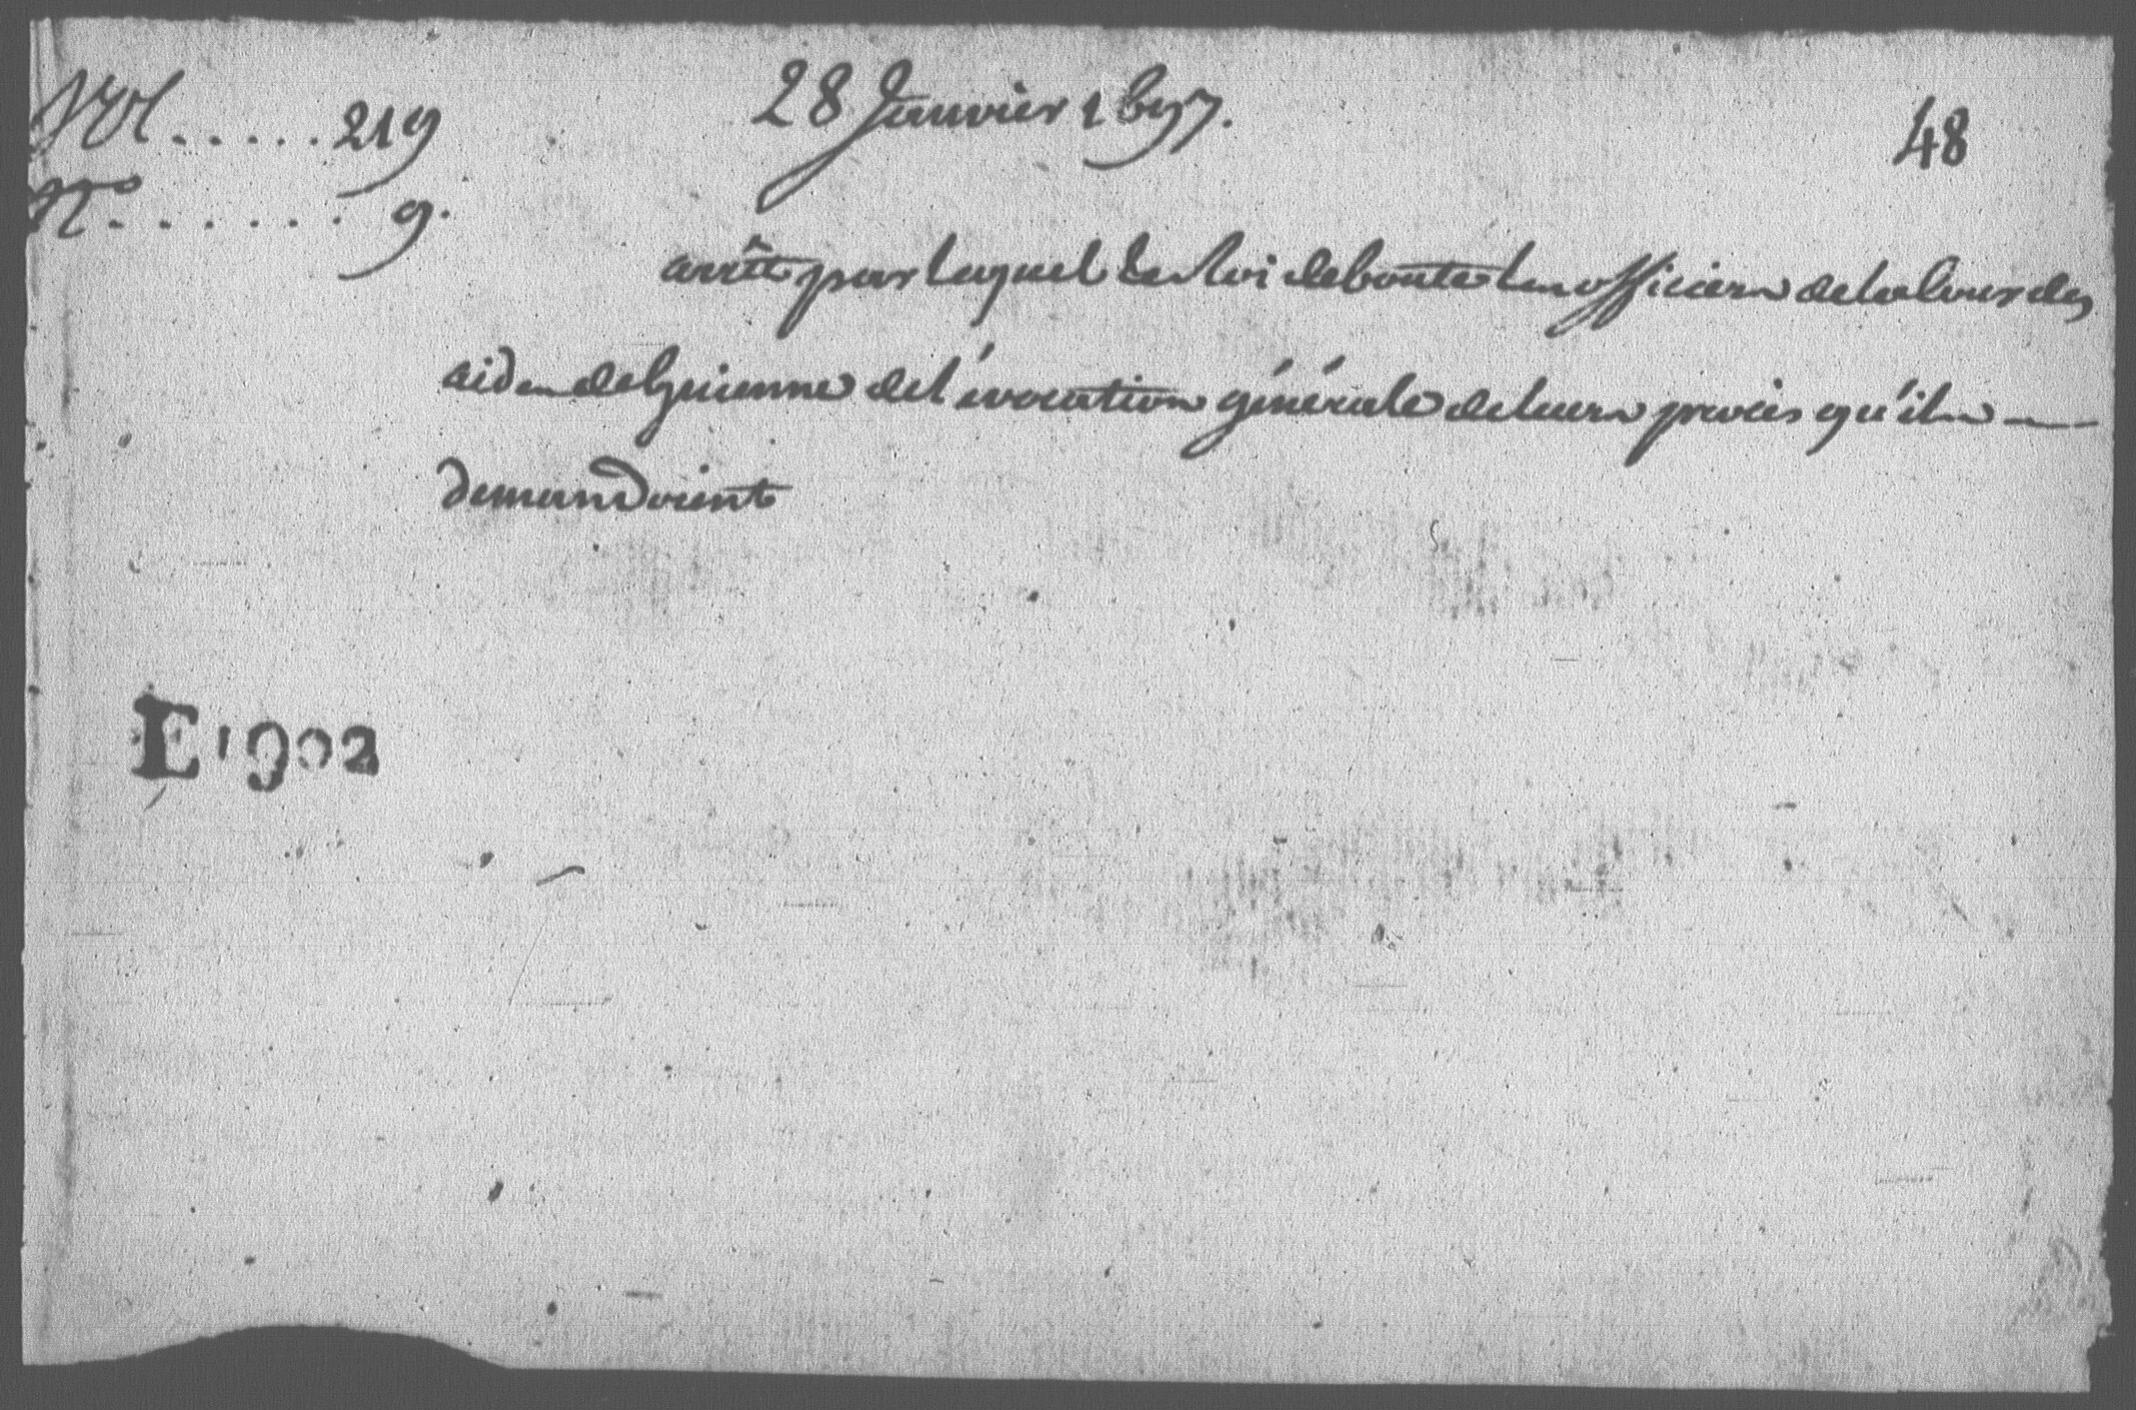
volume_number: n°9
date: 28 janvier 1697
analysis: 48
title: arrêt par lequel le Roi deboute les officiers de la Cour des aides de Guienne de l'evocation générale de leurs procès qu'ils demandoient
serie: E
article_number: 1902
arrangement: vol. 219
